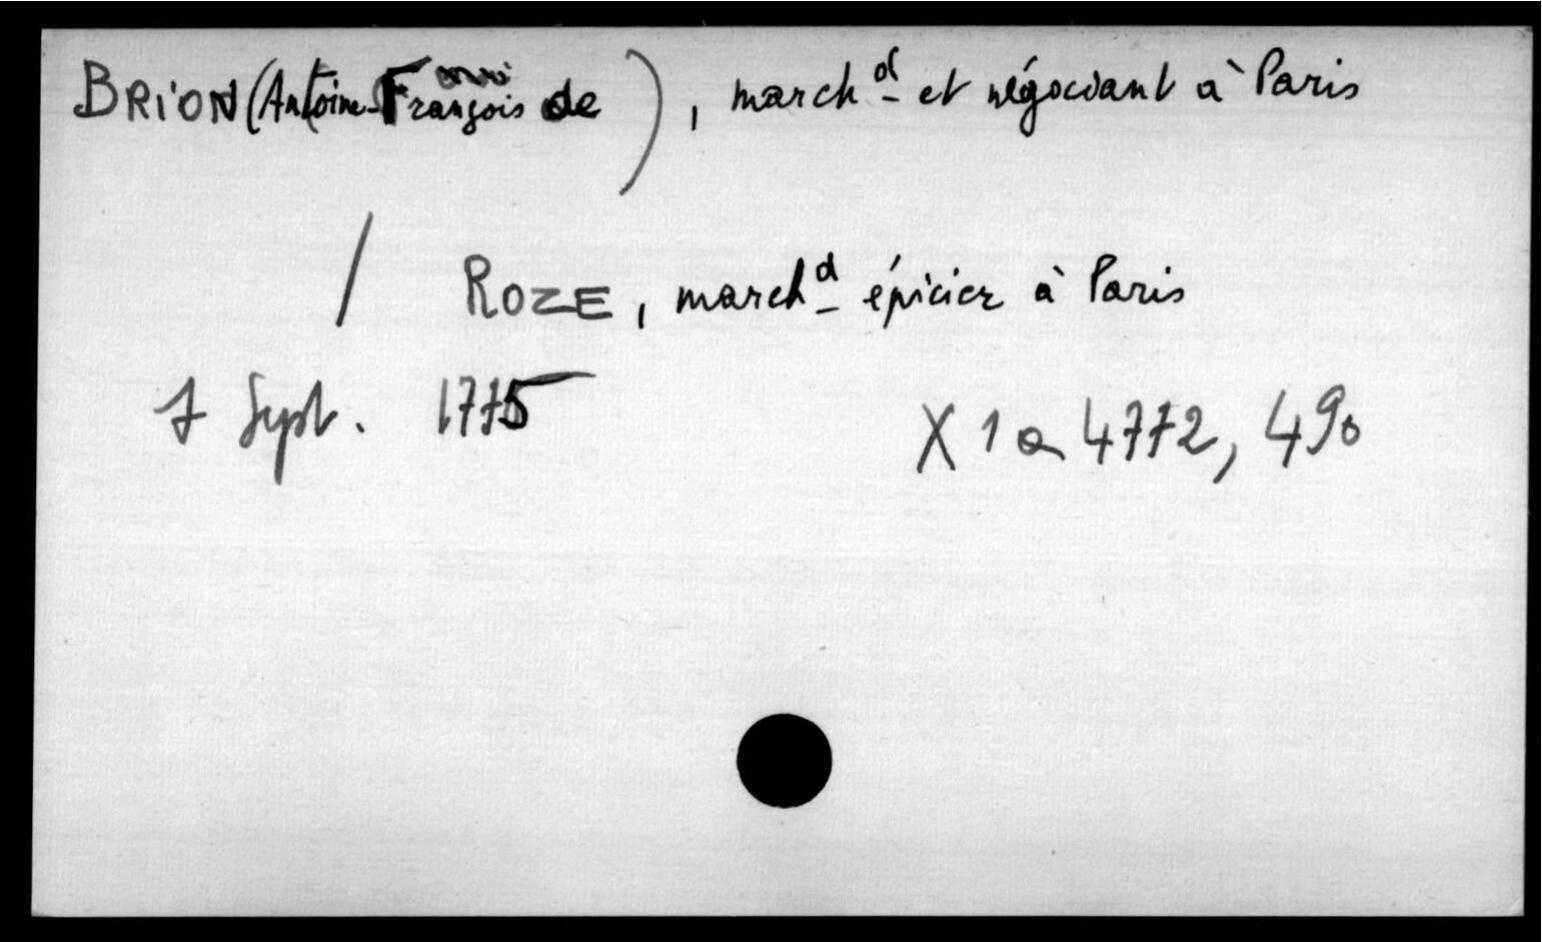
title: BRION (Antoine François de), marchand et négociant à Paris
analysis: Contre ROZE, marchand épicier à Paris
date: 7 septembre 1775
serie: X1a
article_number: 4772
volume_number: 490
